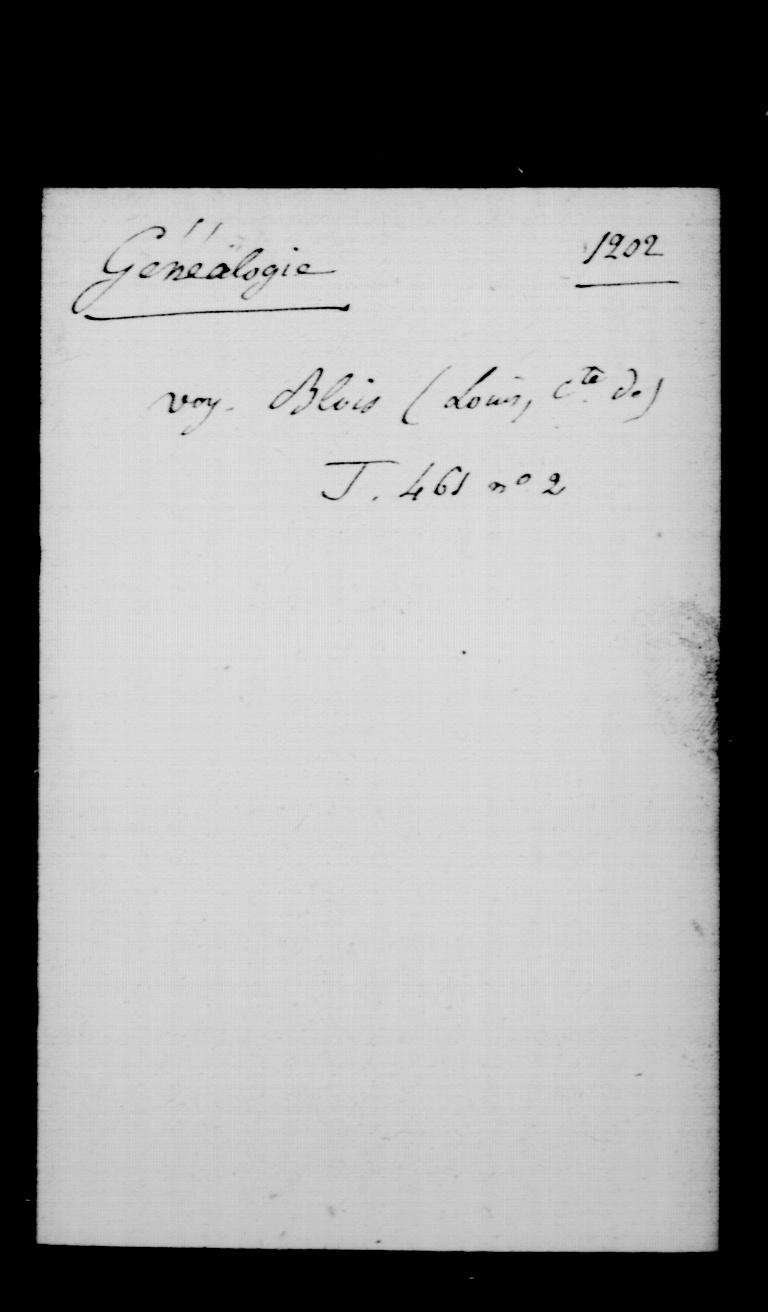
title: Généalogies
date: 1202
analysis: voir Blois (Louis, comte de)
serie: J
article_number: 461
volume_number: n° 2
